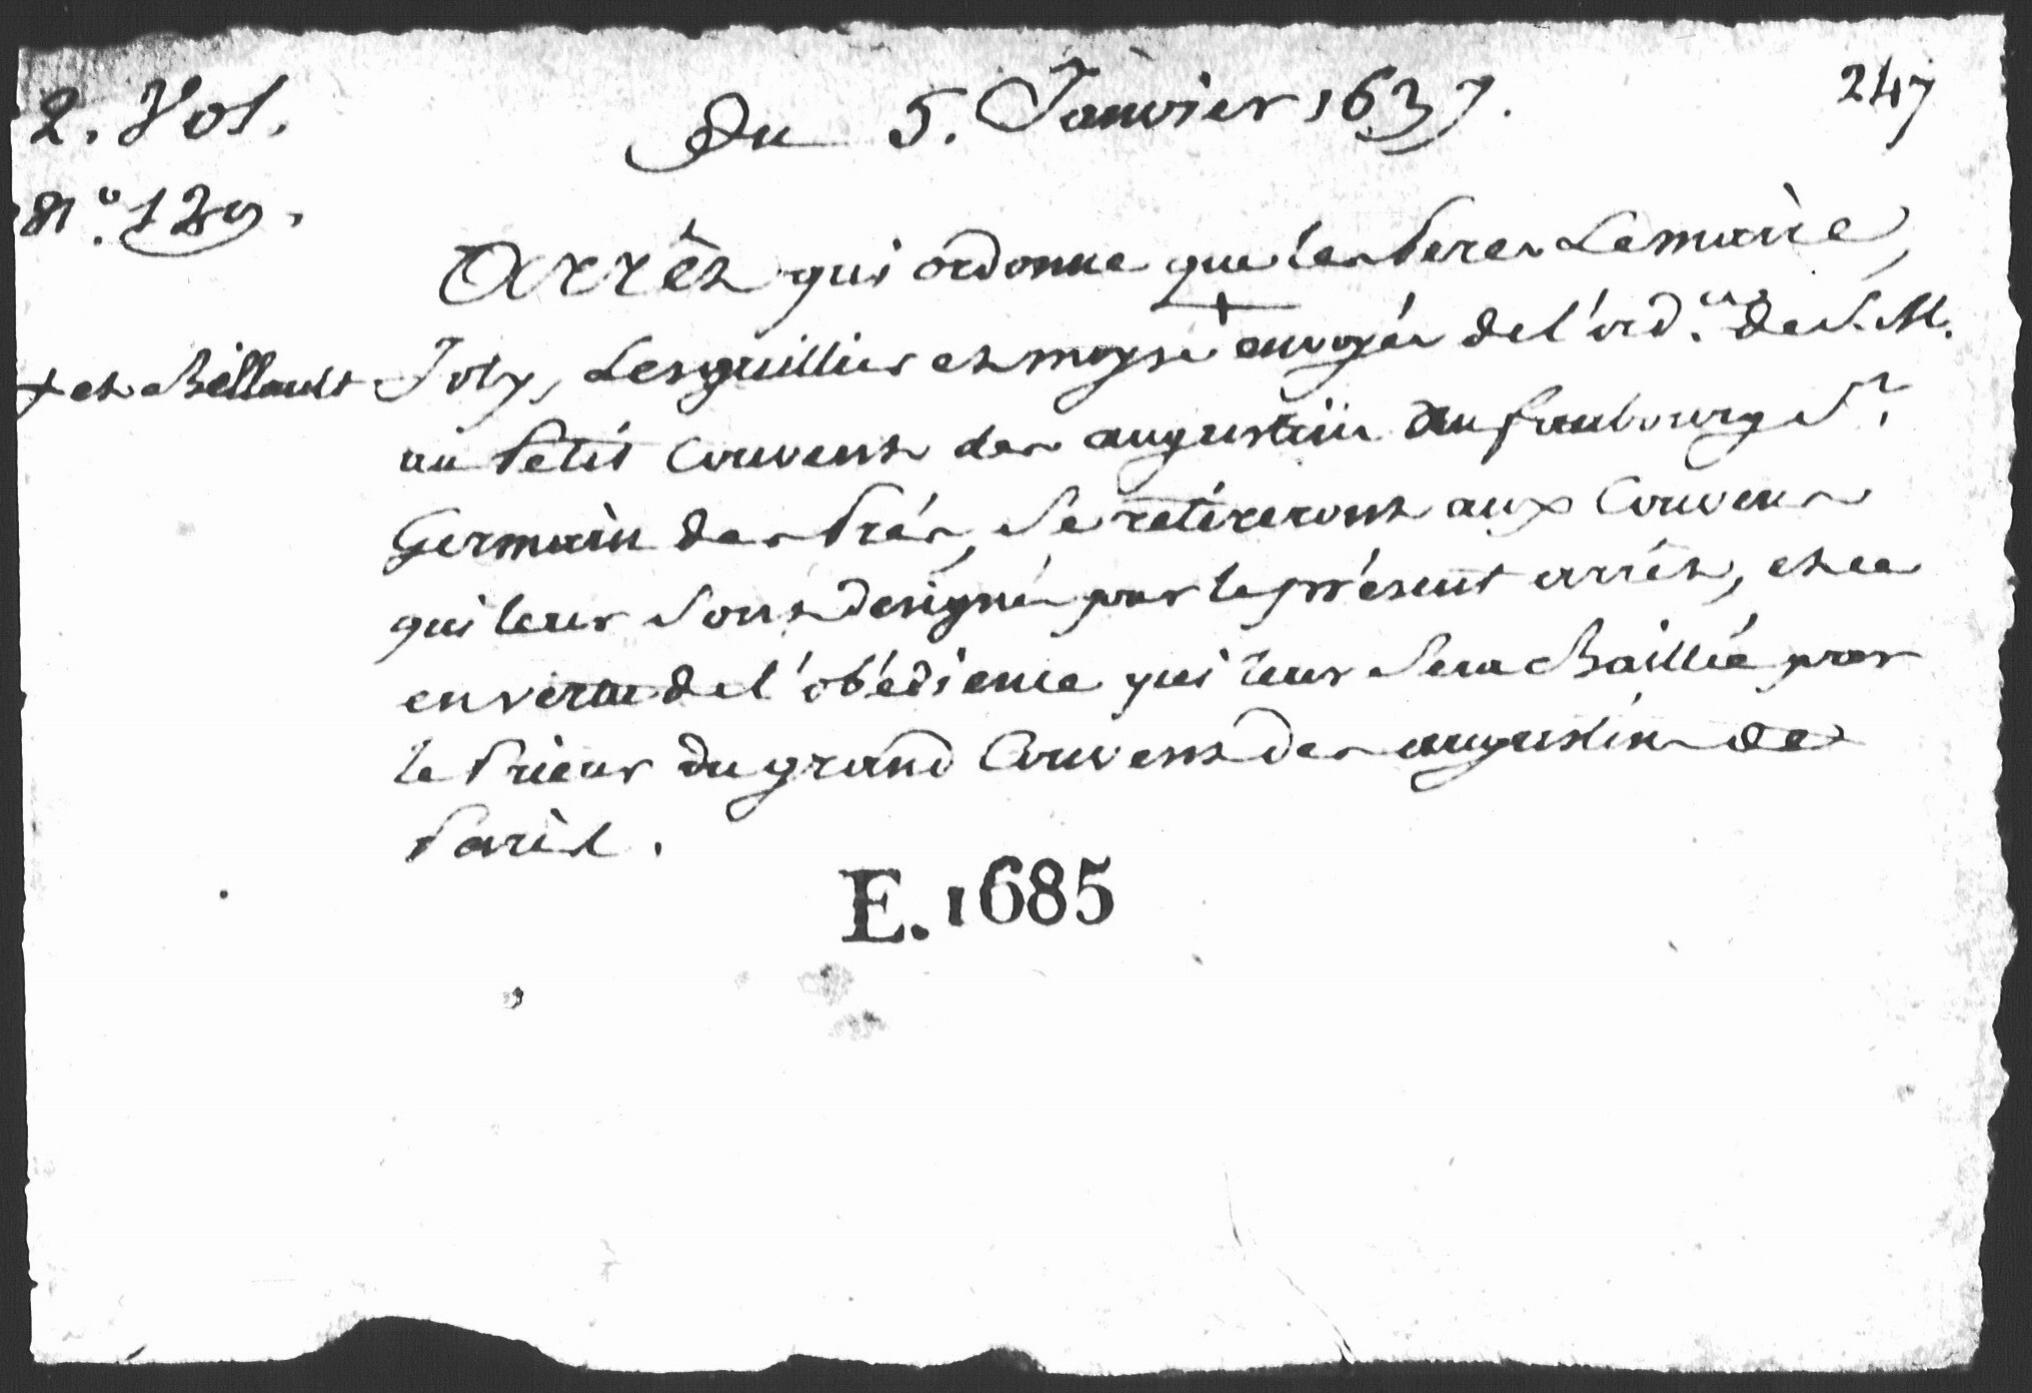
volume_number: n°129
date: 5 janvier 1637
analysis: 247
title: Arrêt qui ordonne que les Peres Lemaire, Joly, Lesguillier et Moyse et Billault envoyés de l'ord.ce de S. M. au Petit couvent des augustins du faubourg S.t Germain des Prés, se retireront aux couvens qui leur sont designés par le présent arrêt, et ce en vertu de l'obédience qui leur sera baillée par le Prieur du grand couvent des augustins de Paris.
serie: E
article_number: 1685
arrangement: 2. vol.
